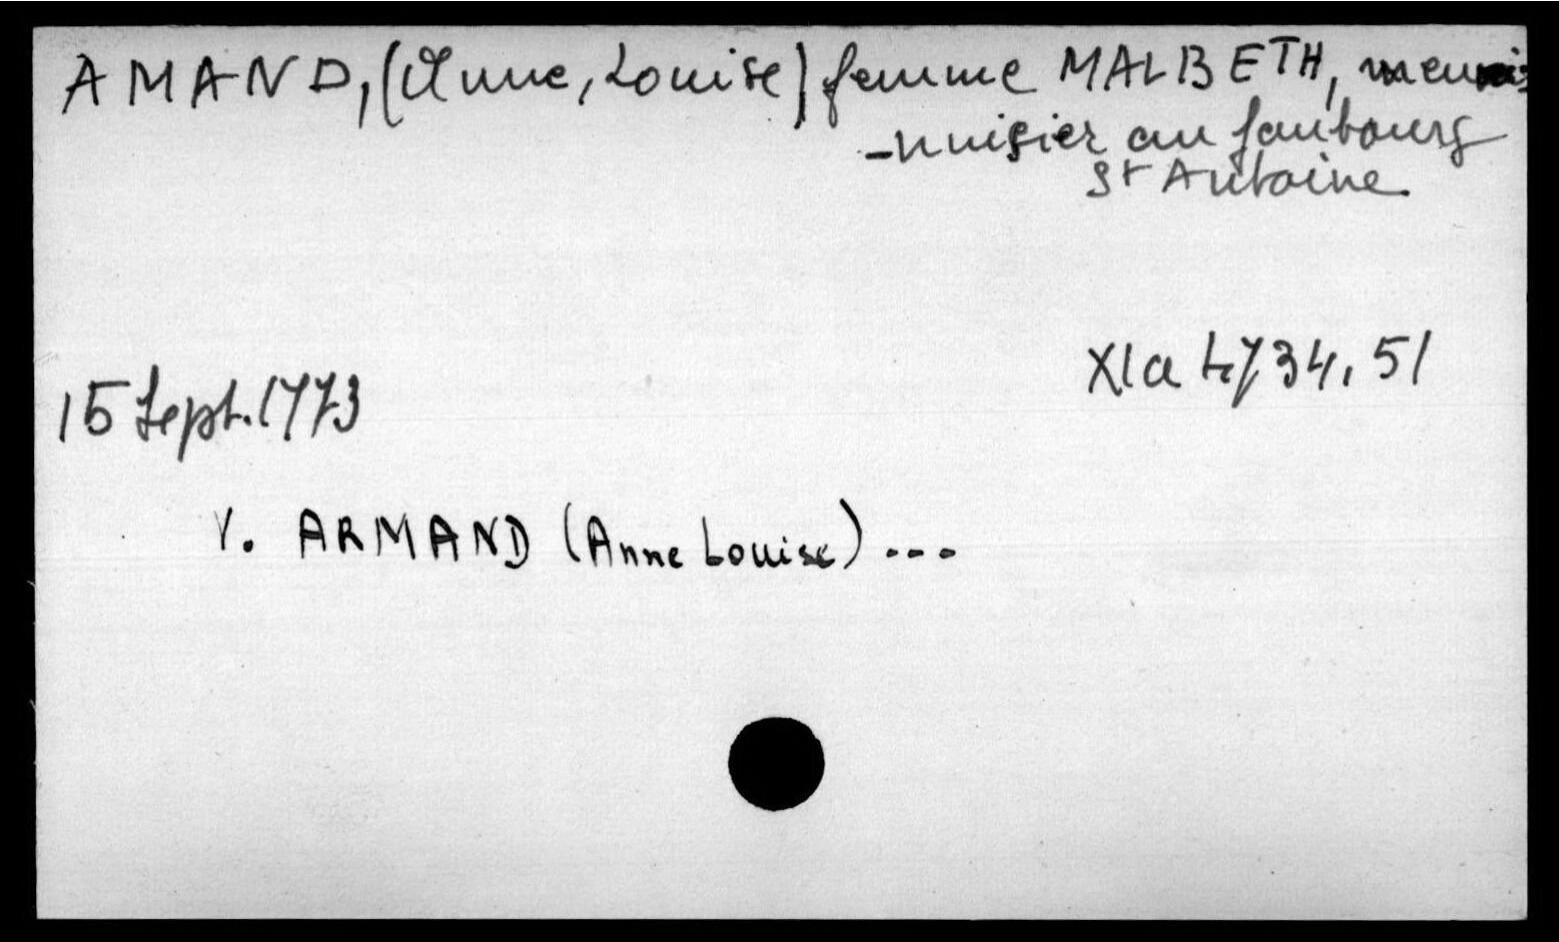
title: AMAND (Anne, Louise) femme MALBETH, menuisier au faubourg Saint-Antoine
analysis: Voir : ARMAND (Anne Louise)....
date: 15 septembre 1773
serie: X1a
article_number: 4734
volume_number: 51
